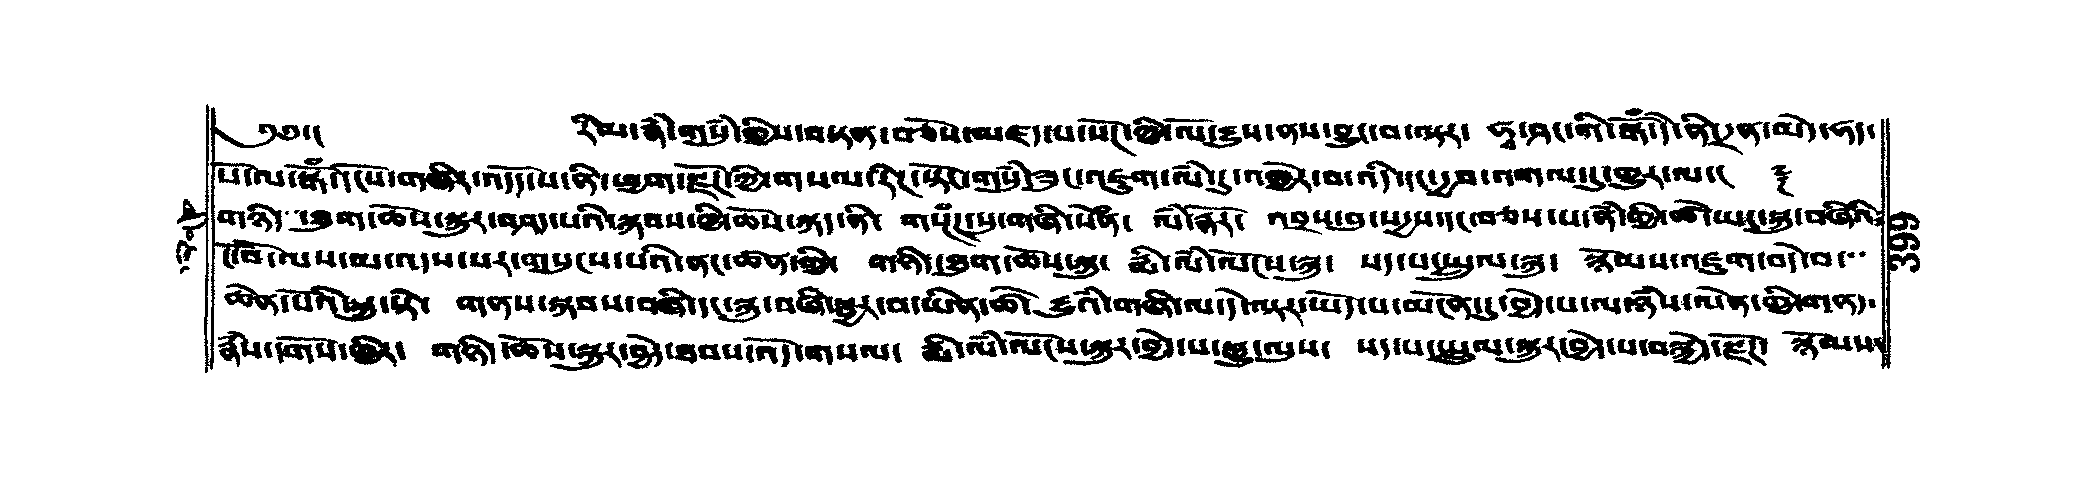རིམ་རྣམ་གསུམ་གྱིས་བསྟན་བཅོས་མཛད་པ་སོགས་ཀྱི་ལོ་རྒྱུས་ནས་བྱུང་བ་ལྟར། ཧྭ་ཤང་གི་སྒོམ་དེ་ནི་དྲན་མེད་ཧད་
པོ་ལ་སྒོམ་དངོས་གཞིར་འདོད་པ་ནི་ཕྱག་རྫོགས་ཀྱི་གསལ་རིག་སྟོང་གསུམ་ཟུང་འཇུག་ལམ་དུ་འཁྱེར་བ་འདི་དང་རྒྱབ་འགལ་དུ་གྱུར་ལ།
གཉིད་ཐུག་ཆོས་སྐུར་བཤད་པའི་སྐབས་ཀྱི་ཆོས་སྐད་ནི། གསང་སྔགས་སུ་གཞི་སེམས་ཅན། ལམ་རྣལ་འབྱོར། འབྲས་བུ་སངས་རྒྱས་དང་བཅས་པ་ནམ་གྱི་ཚེ་ཡང་སྐུ་བཞིའི་
ངོ་བོ་ལས་མ་འདས་པར་གསུངས་པའི་ནང་ཚན་གྱི། གཉིད་ཐུག་ཆོས་སྐུ། རྨི་ལམ་ལོངས་སྐུ། སད་པ་སྤྲུལ་སྐུ། སྙོམས་འཇུག་བདེ་བ་
ཆེན་པོའི་སྐུ་སྟེ། གནས་སྐབས་བཞི་དང་སྐུ་བཞི་སྦྱར་བ་ཡིན་ཚེ། རྒྱུའམ་གཞི་ལ་དེ་ལྟར་ཡོད་པ་མངོན་དུ་བྱེད་པ་ལ་ཉམས་ལེན་གྱི་གནད་
རྣམས་དགོས་ཕྱིར། གཉིད་ཆོས་སྐུར་བྱེད་ཐབས་འོད་གསལ། རྨི་ལམ་ལོངས་སྐུར་བྱེད་པ་སྒྱུ་ལུས། སད་པ་སྤྲུལ་སྐུར་བྱེད་པ་བསྐྱེད་རྫོགས། སྙོམས་